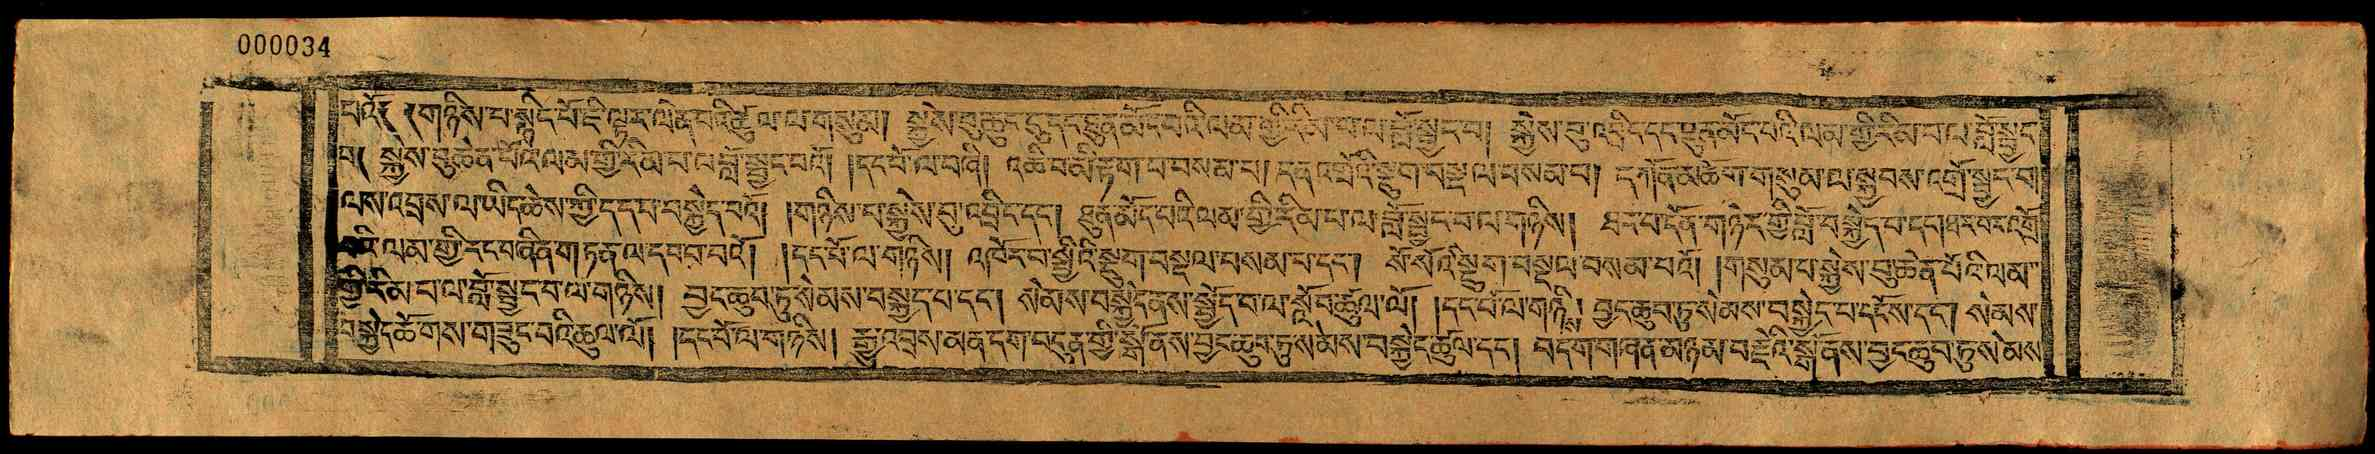པའོ༑ ༑གཉིས་པ་སྙིང་པོ་ཇི་ལྟར་ལེན་པའི་ཚུལ་ལ་གསུམ། སྐྱེས་བུ་ཆུང་དུ་དང་ཐུན་མོང་བའི་ལམ་གྱི་རིམ་པ་ལ་བློ་སྦྱང་བ། སྐྱེས་བུ་འབྲིང་དང་ཐུན་མོང་བའི་ལམ་གྱི་རིམ་པ་ལ་བློ་སྦྱང་
བ༑ སྐྱེས་བུ་ཆེན་པོའི་ལམ་གྱི་རིམ་པ་ལ་བློ་སྦྱང་པའོ། །དང་པོ་ལ་བཞི། འཆི་བ་མི་རྟག་པ་བསམ་པ། ངན་འགྲོའི་སྡུག་བསྔལ་བསམ་པ། དཀོན་མཆོག་གསུམ་ལ་སྐྱབས་འགྲོ་སྦྱང་བ།
ལས་འབྲས་ལ་ཡིད་ཆེས་ཀྱི་དད་པ་བསྐྱེད་པའོ། །གཉིས་པ་སྐྱེས་བུ་འབྲིང་དང་། ཐུན་མོང་པའི་ལམ་གྱི་རིམ་པ་ལ་བློ་སྦྱང་བ་ལ་གཉིས། ཐར་པ་དོན་གཉེར་གྱི་བློ་བསྐྱེད་པ་དང་། ཐར་པར་འགྲོ་
བའི་ལམ་གྱི་རང་བཞིན་གཏན་ལ་དབབ་པའོ། །དང་པོ་ལ་གཉིས། འཁོར་བ་སྤྱིའི་སྡུག་བསྔལ་བསམ་པ་དང་། སོ་སོའི་སྡུག་བསྔལ་བསམ་པའོ། །གསུམ་པ་སྐྱེས་བུ་ཆེན་པོའི་ལམ་
གྱི་རིམ་པ་ལ་བློ་སྦྱང་བ་ལ་གཉིས། བྱང་ཆུབ་ཏུ་སེམས་བསྐྱེད་པ་དང་། སེམས་བསྐྱེད་ནས་སྤྱོད་པ་ལ་སློབ་ཚུལ་ལོ། །དང་པོ་ལ་གཉིས། བྱང་ཆུབ་ཏུ་སེམས་བསྐྱེད་པ་དངོས་དང་། སེམས་
བསྐྱེད་ཆོ་གས་གཟུང་བའི་ཚུལ་ལོ། །དང་པོ་ལ་གཉིས། རྒྱུ་འབྲས་མན་ངག་བདུན་གྱི་སྒོ་ནས་བྱང་ཆུབ་ཏུ་སེམས་བསྐྱེད་ཚུལ་དང་། བདག་གཞན་མཉམ་པ་རྗེའི་སྒོ་ནས་བྱང་ཆུབ་ཏུ་སེམས་